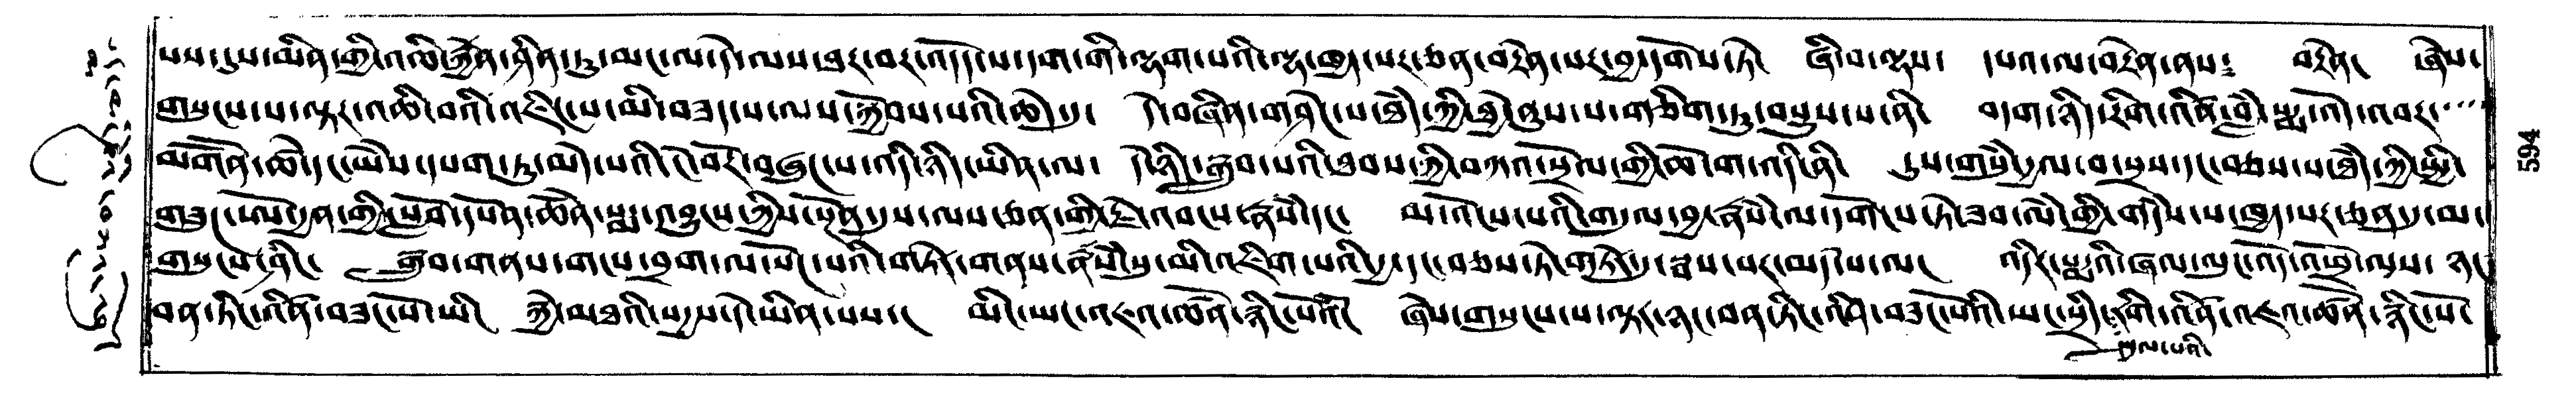པས། དུས་མིན་གྱི་འཆི་རྐྱེན་ཤིན་ཏུ་མང་ལ་དེ་ལས་ཐར་བར་འདོད་པ་དག་གིས་ལྷག་པའི་ལྷ་ཁྱད་པར་ཅན་བརྟེན་པར་བྱ་དགོས་ཏེ། ཞི་བ་ལྷས། དཔལ་ལ་བརྟེན་ནས༴ བརྟེན། ཞེས་
གསུངས་པ་ལྟར་འཆི་བའི་འཇིགས་པ་མི་བཟད་པ་ལས་སྐྱོབ་པའི་ཆེད་དུ། དེ་བཞིན་གཤེགས་པ་ཐམས་ཅད་ཀྱི་ཐུགས་རྗེ་ནུས་པ་གཅིག་ཏུ་བསྡུས་པ་ནི། བདག་ཉིད་རིག་འཛིན་བླ་མ་པདྨ་འོད་འབར་
མགོན་པོ་ཚེ་དང་ཡེ་ཤེས་དཔག་ཏུ་མེད་པའི་ངོ་བོར་བཞུགས་པ་འདི་ཉིད་ཡིན་ལ། དེ་ཉིད་སྒྲུབ་པའི་ཐབས་ཀྱི་བཀའ་སྲོལ་གྱི་ཆོ་ག་འདི་ནི། དུས་གསུམ་རྒྱལ་བ་སྲས་དང་བཅས་པ་ཐམས་ཅད་ཀྱི་སྤྱི་
གཟུགས་ཨོ་རྒྱན་གྱི་སློབ་དཔོན་ཆེན་པོ་པདྨ་འབྱུང་གནས་ཀྱིས་སྔོན་དུས་ལས་ཅན་གྱི་རྗེ་འབངས་རྣམས་དང་།མ་འོངས་པའི་གདུལ་བྱ་རྣམས་ལ་དགོངས་ཏེ་ཟབ་ལམ་གྱི་གདམས་པ་ཁྱད་པར་ཅན་དུ་མ་
གསུངས་ཤིང་། སྒྲུབ་གནས་གངས་བྲག་ལ་སོགས་པའི་གཏེར་གནས་རྣམས་སུ་མི་འཇིག་པའི་རྒྱ་དང་བཅས་ཏེ་གཏེར་དུ་སྦས་པར་མཛད་པ་ལ། འདིར་པདྨའི་ཞལ་ལུང་འོད་འཕྲོ་ལས། ཉང་
བན་ཏིང་འཛིན་བཟང་པོ་ཡི། །སྐྱེ་མཐའི་སངས་རྒྱས་དེ་ཡིན་པས། །མིང་ཡང་འཇའ་ཚོན་སྙིང་པོའོ།། ཞེས་གསུངས་པ་ལྟར་ཉང་བན་ཏིང་འཛིན་བཟང་པོའི་ཡང་སྲིད་སྤྲུལ་པའི་རིག་འཛིན་འཇའ་ཚོན་སྙིང་པོ་